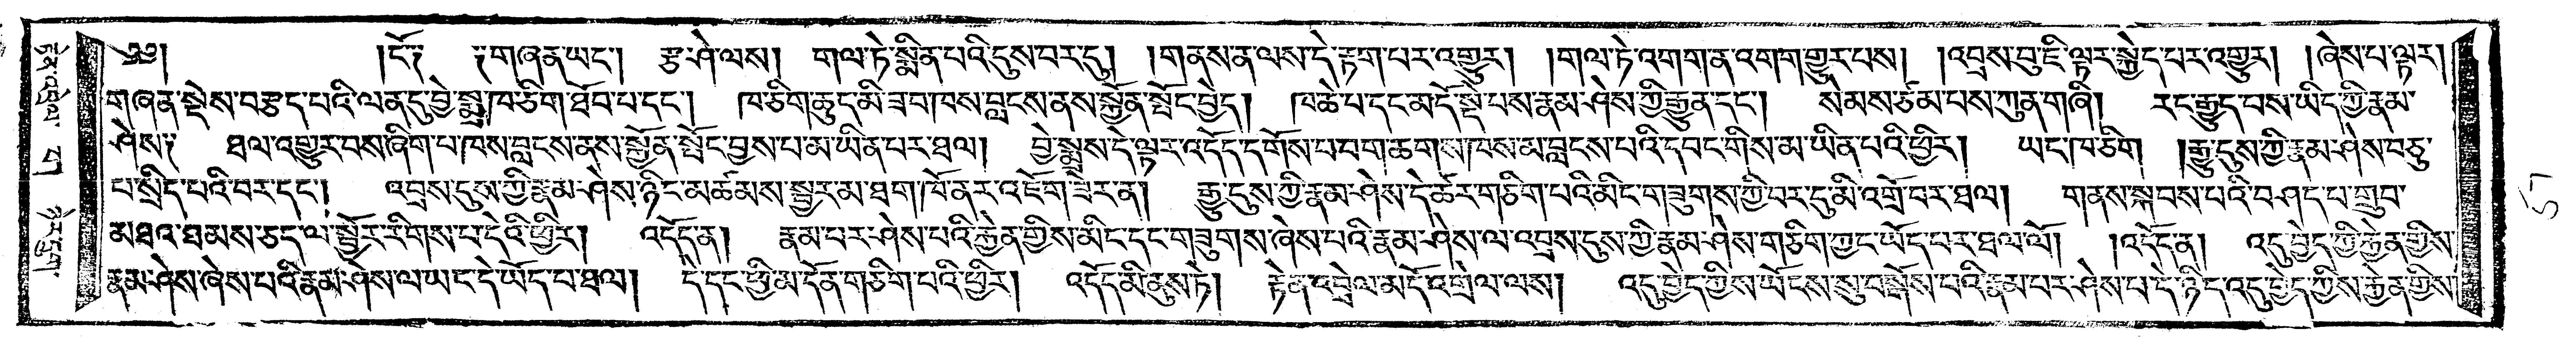༄༅། །ངོ༑ ༑གཞན་ཡང་། རྩ་ཤེ་ལས། གལ་ཏེ་སྨིན་པའི་དུས་བར་དུ། །གནས་ནེ་ལས་དེ་རྟག་པར་འགྱུར། །གལ་ཏེ་འགག་ན་འགག་གྱུར་པས། །འབྲས་བུ་ཇི་ལྟར་སྐྱེད་པར་འགྱུར། །ཞེས་པ་ལྟར་
གཞན་སྡེས་བརྩད་པའི་ལན་དུ་བྱེ་སྨྲ་ཁ་ཅིག་ཐོབ་པ་དང་། ཁ་ཅིག་ཆུད་མི་ཟབ་ཁས་བླངས་ནས་སྐྱོན་སྤོང་བྱེད། །ཁ་ཆེ་པ་དང་མདོ་སྡེ་བས་རྣམ་ཤེས་ཀྱི་རྒྱུན་དང་། སེམས་ཙམ་པས་ཀུན་གཞི། རང་རྒྱུད་པས་ཡིད་ཀྱི་རྣམ་
ཤེས༑ ཐལ་འགྱུར་བས་ཞིག་པ་ཁས་བླངས་ནས་སྐྱོན་སྤོང་བྱས་པ་མ་ཡིན་པར་ཐལ། བྱེ་སྨྲས་དེ་ལྟར་འདོད་དགོས་པ་བག་ཆགས་ཁས་མ་བླངས་པའི་དབང་གིས་མ་ཡིན་པའི་ཕྱིར། ཡང་ཁ་ཅིག །རྒྱུ་དུས་ཀྱི་རྣམ་ཤེས་བཅུ་
པ་སྲིད་པའི་བར་དང་། འབྲས་དུས་ཀྱི་རྣམ་ཤེས་ཉིང་མཚམས་སྦྱར་མ་ཐག་ཁོ་ནར་འཇོག་ཟེར་ན། རྒྱུ་དུས་ཀྱི་རྣམ་ཤེས་དེ་ཚེར་གཅིག་པའི་མིང་གཟུགས་ཀྱི་བར་དུ་མི་འགྲོ་བར་ཐལ། གནས་སྐབས་བའི་བཤད་པ་གྲུབ་
མཐའ་ཐམས་ཅད་ལ་སྦྱོར་རིགས་པ་དེའི་ཕྱིར། འདོད་ན། རྣམ་པར་ཤེས་པའི་རྐྱེན་གྱིས་མིང་དང་གཟུགས་ཞེས་པའི་རྣམ་ཤེས་ལ་འབྲས་དུས་ཀྱི་རྣམ་ཤེས་གཅིག་ཀྱང་ཡོད་པར་ཐལ་ལོ། །འདོད་ན། འདུ་བྱེད་ཀྱི་རྐྱེན་གྱིས་
རྣམ་ཤེས་ཞེས་པའི་རྣམ་ཤེས་ལ་ཡང་དེ་ཡོད་པ་ཐལ། དེ་དང་ཕྱི་མདོན་གཅིག་པའི་ཕྱིར། འདོད་མི་ནུས་ཏེ། རྟེན་འབྲེལ་མདོ་འགྲེལ་ལས། འདུ་ཕྱེད་ཀྱིས་ཡོངས་སུ་བསྒོས་པའི་རྣམ་པར་ཤེས་པ་དེ་ཉིད་འདུ་བྱེད་ཀྱིས་རྐྱེན་གྱིས་